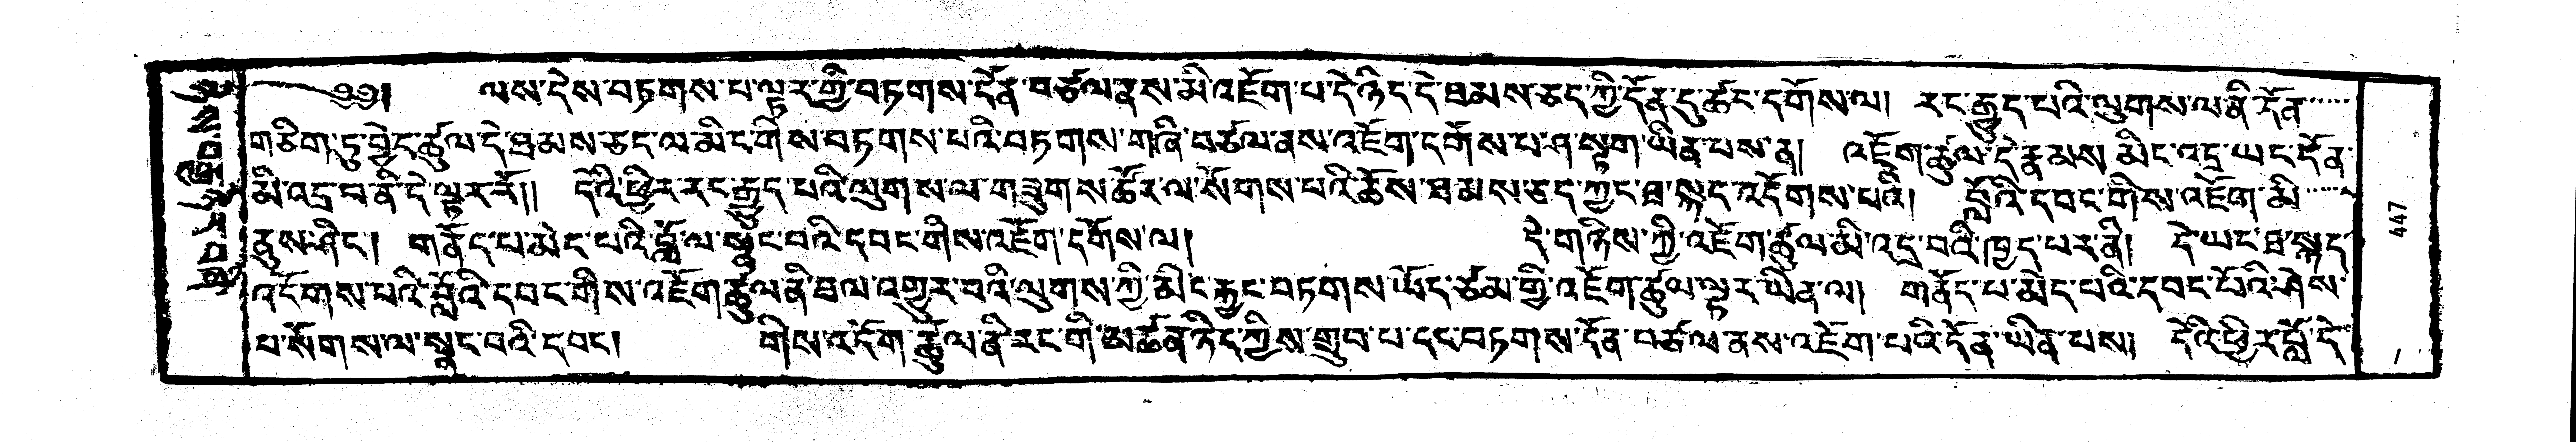༄༅། །ལས་དེས་བཏགས་པ་ལྟར་གྱི་བཏགས་དོན་བཙལ་ནས་མི་འཇོག་པ་དེ་ཉིད་དེ་ཐམས་ཅད་ཀྱི་དོན་དུ་ཚང་དགོས་ལ། རང་རྒྱུད་པའི་ལུགས་ལ་ནི་དོན་
གཅིག་ཏུ་བྱེད་ཚུལ་དེ་ཐམས་ཅད་ལ་མིང་གིས་བཏགས་པའི་བཏགས་གཞི་བཙལ་ནས་འཇོག་དགོས་པ་ཤ་སྟག་ཡིན་པས་ན། འཇོག་ཚུལ་དེ་རྣམས་མིང་འདྲ་ཡང་དོན་
མི་འདྲ་བ་ནི་དེ་ལྟར་རོ།། དེའི་ཕྱིར་རང་རྒྱུད་པའི་ལུགས་ལ་གཟུགས་ཚོར་ལ་སོགས་པའི་ཆོས་ཐམས་ཅད་ཀྱང་ཐ་སྙད་འདོགས་པའི། བློའི་དབང་གིས་འཇོག་མི་
ནུས་ཤིང་། གནོད་པ་མེད་པའི་བློ་ལ་སྣང་བའི་དབང་གིས་འཇོག་དགོས་ལ། དེ་གཉིས་ཀྱི་འཇོག་ཚུལ་མི་འདྲ་བའི་ཁྱད་པར་ནི། དེ་ཡང་ཐ་སྙད་
འདོགས་པའི་བློའི་དབང་གིས་འཇོག་ཚུལ་ནི་ཐལ་འགྱུར་བའི་ལུགས་ཀྱི་མིང་རྐྱང་བཏགས་ཡོད་ཙམ་གྱི་འཇོག་ཚུལ་ལྟར་ཡིན་ལ། གནོད་པ་མེད་པའི་དབང་པོའི་ཤེས་
པ་སོགས་ལ་སྣང་བའི་དབང་། གིས་འདོག་ཚུལ་ནི་རང་གི་མཚན་ཉིད་ཀྱིས་གྲུབ་པ་དང་བཏགས་དོན་བཙལ་ནས་འཇོག་པའི་དོན་ཡིན་པས། དེའི་ཕྱིར་བློ་དེ་